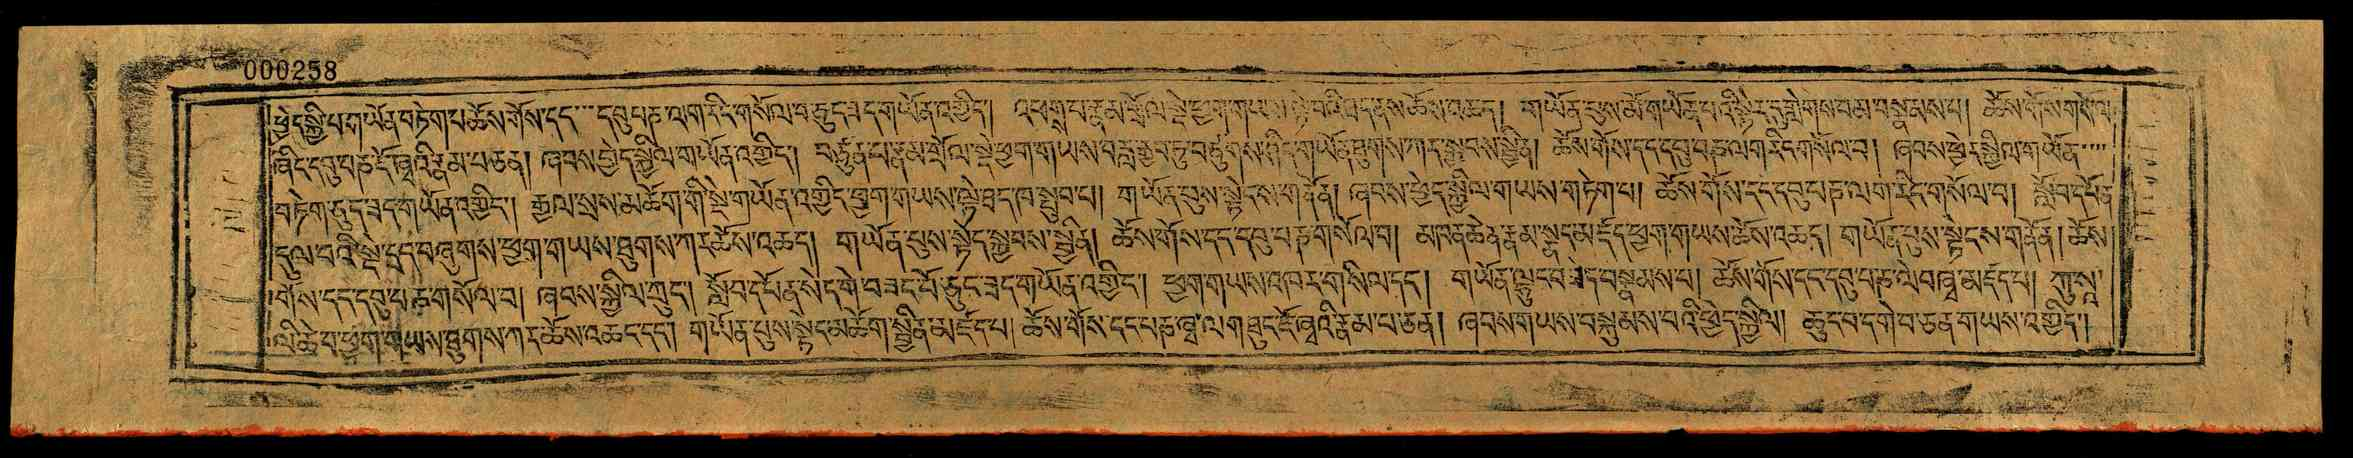ཕྱེད་སྐྱིལ་གཡོན་བཏེག་པ་ཆོས་གོས་དང་དབུ་པཎ་ལག་རིང་གསོལ་བ་ཅུང་བདག་ཡོན་བྱེད། འཕགས་པ་རྣམ་གྲོལ་སྡེ་ཕྱག་གཡས་ལྟེ་བར་ཐད་ནས་ཆོས་འཆད། གཡོན་པུས་མོ་གཡོན་པའི་སྟེང་དུ་གླེགས་བམ་བསྣམས་པ། ཆོས་གོས་གསོལ་
ཞིང་དབུ་པཎ་ཇོ་ཞྭའི་རྣམ་པ་ཅན། ཞབས་ཕྱེད་སྐྱིལ་གཡོན་འགྱིང་། བཙུན་པ་རྣམ་གྲོལ་སྔེ་ཕྱག་གཡས་བརླ་རྒྱབ་ཏུ་བཙུགས་ཤིང་གཡོན་ཐུགས་ཀར་སྐྱབས་སྦྱིན། ཆོས་གོས་དང་དབུ་པཎ་ལག་རིང་གསོལ་བ་ཞབས་ཕྱེད་སྐྱིལ་གཡོན་
བཏེག་ཅུང་ཟད་གཡོན་འགྱིང་། རྒྱལ་སྲས་མཆོག་གི་སྡེ་གཡོན་འགྱིང་ཕྱག་གཡས་ལྟེ་ཐད་ཁ་སྤུབ་པ། གཡོན་པུས་སྟེངས་གནོན། ཞབས་ཕྱེད་སྐྱིལ་གཡས་བཏག་པ། ཆོས་གོས་དང་དབུ་པཎ་ལག་རིང་གསོལ་བ། སློབ་དཔོན་
དུལ་བའི་སྡེ་དྲང་བཞུགས་ཕྱག་གཡས་ཐུགས་ཀར་ཆོས་འཆད། གཡོན་པུས་སྟེང་སྐྱབས་སྦྱིན། ཆོས་གོས་དང་དབུ་པཎ་གསོལ་བ། མཁན་ཆེན་རྣམ་སྣང་མཛད་ཕྱག་གཡས་ཆོས་འཆད། གཡོན་ཆོས་འཆད། གཡོན་པུས་སྟེངས་གནོན། ཆོས་
གོས་དང་དབུ་པཎ་གསོལ་བ། ཞབས་སྐྱིལ་ཀྲུང་། སློབ་དཔོན་སེང་གེ་བཟང་པོ་ཅུང་ཟད་གཡོན་འགྱེད། ཕྱག་གཡས་འཁར་གསིལ་དང་། གཡོན་ལྷུང་བཟེད་བསྣམས་པ། ཆོས་གོས་དང་དབུ་པཎ་ལེག་ཞྭ་མཛད་པ། ཀུ་སཱ་
ལ་ཆ་བ་ཕྱག་གཡས་ཐུགས་ཀར་ཆོས་འཆད་དང་། གཡོན་པུས་སྟེང་མཆོག་སྦྱིན་མཛད་པ། ཆོས་གོས་དང་པཎ་ཞྭ་ལག་ཟུར་ཇོ་ཞྭའི་རྣམ་པ་ཅན། ཞབས་གཡས་བསྐུམས་པའི་ཕྱེད་སྐྱིལ། ཆུང་བདག་བ་ཅན་གཡས་འགྱིང་་་།